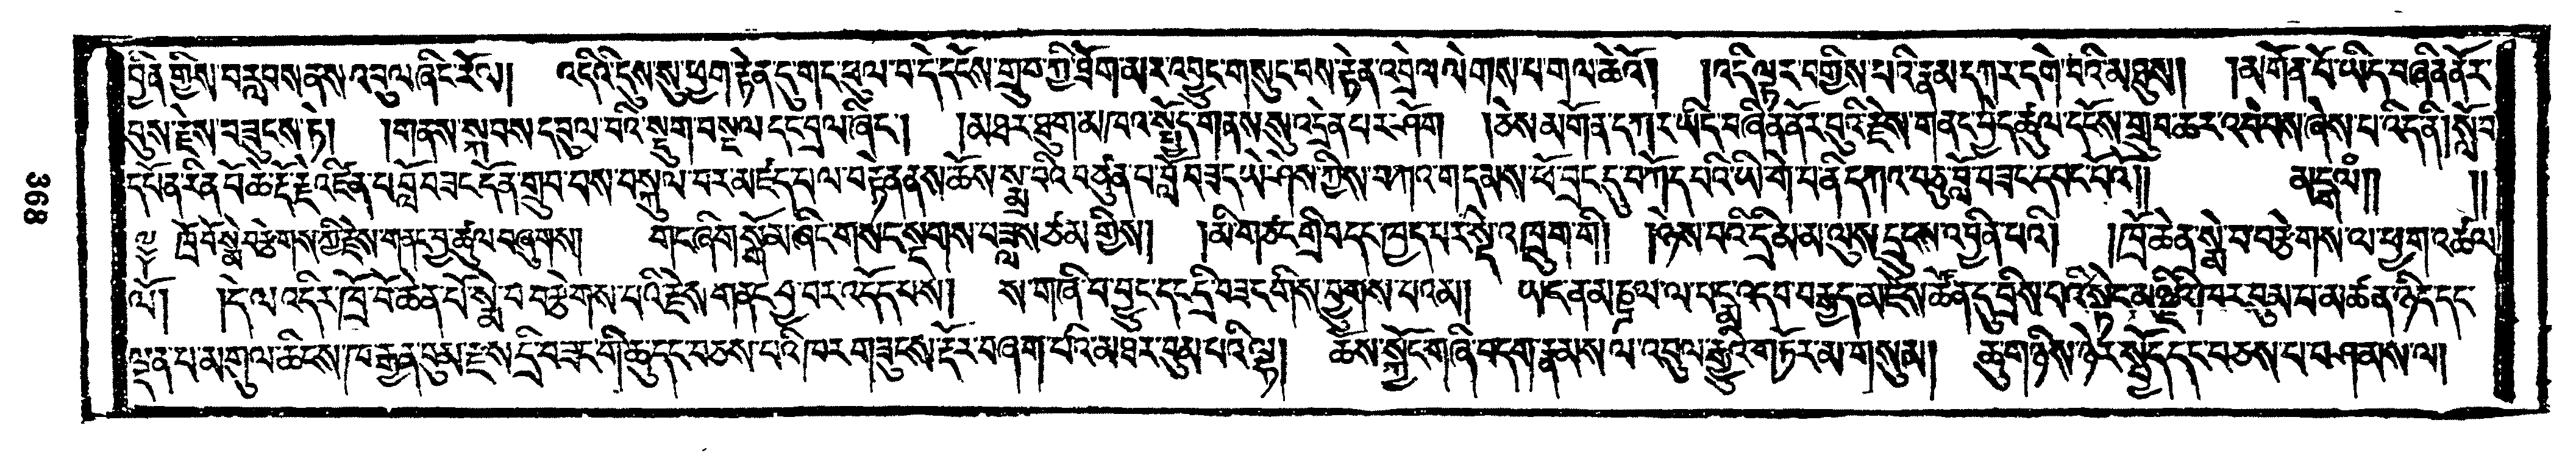བྱིན་གྱིས་བརླབས་ནས་འབུལ་ཞིང་རོལ། འདིའི་དུས་སུ་ཕྱག་རྟེན་དུ་གང་ཕུལ་བ་དེ་དངོས་གྲུབ་ཀྱི་ཐོག་མར་འབྱུང་གསུང་བས་རྟེན་འབྲེལ་ལེགས་པ་གལ་ཆེའོ། །འདི་ལྟར་བགྱིས་བའི་རྣམ་དཀར་དགེ་པའི་མཐུས། །མགོན་པོ་ཡིད་བཞིན་ནོར་
བུས་རྗེས་བཟུངས་ཏེ། །གནས་སྐབས་དབུལ་བའི་སྡུག་བསྔལ་དང་བྲལ་ཞིང་། །མཐར་ཐུག་མཁའ་སྤྱོད་གནས་སུ་འདྲེན་པར་ཤོག །ཅེས་མགོན་དཀར་ཡིད་བཞིན་ནོར་བུའི་རྗེས་གནང་བྱེད་ཚུལ་དངོས་གྲུབ་ཆར་འབེབས་ཞེས་པ་འདི་ནི། སློབ་
དཔོན་རིན་པོ་ཆེ་རྡོ་རྗེ་འཛིན་པ་བློ་བཟང་དོན་གྲུབ་བས་བསྐུལ་བར་མཛད་པ་ལ་བརྟེན་ནས་ཆོས་སྨྲ་བའི་བཙུན་པ་བློ་བཟང་ཡེ་ཤེས་ཀྱིས་བཀའ་གདམས་ཕོ་བྲང་དུ་བཀོད་པའི་ཡི་གེ་བ་ནི་དཀའ་བཅུ་བློ་བཟང་དང་པོའོ།། མངྒལཾ།། །།
༈ ཁྲོ་བོ་སྨེ་བརྩེགས་ཀྱི་རྗེས་གནང་བྱ་ཚུལ་བཞུགས། གང་ཞིག་སྒོམ་ཞིང་གསང་སྔགས་བཟླས་ཙམ་གྱིས། །མི་གཙན་གྲིབ་དང་ཁྱད་པར་སྡི་འཁྲུག་གི། །གཉེས་པའི་དྲི་མ་མ་ལུས་དྲུངས་འབྱིན་པའི། །ཁྲོ་ཆེན་མེ་བ་བརྩེགས་ལ་ཕག་འཚལ་
ལོ། །དེ་ལ་འདིར་ཁྲོ་བོ་ཆེན་པོ་སྨེ་བ་བརྩེགས་པའི་རྗེས་གནང་བྱ་བར་འདོད་པས། །ས་གཞི་བ་བྱུང་དང་དྲི་བཟང་གིས་བྱུགས་པའམ། །ཡང་ན་མཎྜལ་ལ་པདམ་འདབ་བརྒྱད་མཛེས་ཚོན་དུ་བྲིས་པའི་སྟེང་མཉྫིའི་ཁར་བུམ་པ་མཚན་ཉིད་དང་
ལྡན་པ་མགུལ་ཆིངས་ཁ་རྒྱན་བུམ་རྫས་དྲི་བཟང་གི་ཆུ་དང་བཅས་པའི་ཁར་གཟུངས་རྡོར་བཞག་པའི་མཐར་བུམ་པའི་ལྟ། །ཆོས་སྐྱོང་གཞི་བདག་རྣམས་ལ་འབུལ་རྒྱུའི་གཏོར་མ་གསུམ། །ཆུ་གཉིས་ཉེར་སྤྱོད་དང་བཅས་པ་བཤམས་ལ།